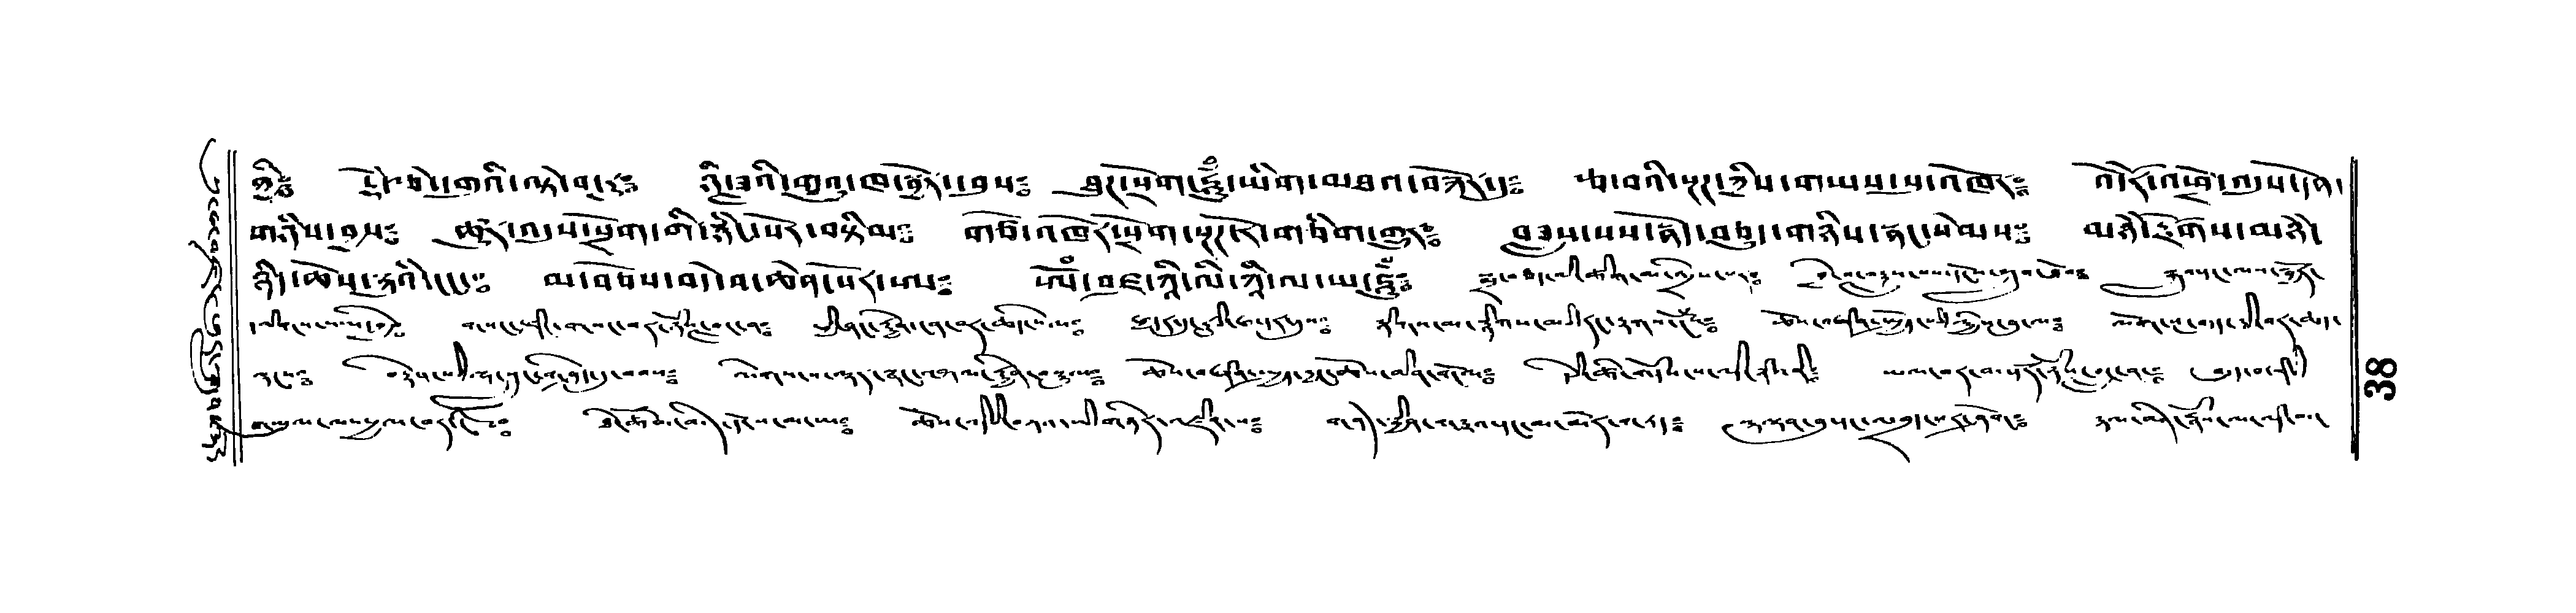ཀྱི༔ རྡོ་རྗེ་རྩེ་དགུའི་ལྟེ་བ་རུ༔ ཉི་ཟླའི་གཱའུ་ཁ་སྦྱོར་དབུས༔ ཐུགས་སྲོག་ཧཱུྃ་ཡིག་མཐའ་བསྐོར་དུ༔ རྩ་བའི་སྔགས་ཀྱིས་གཡས་སུ་འཁོར༔ འོད་ཟེར་འཕྲོ་འདུས་དོན་
གཉིས་བྱས༔ ཚུར་འདུས་སྲོག་གི་སྙིང་པོར་བསྟིམ༔ གཙོ་འཁོར་སྲོག་སྔགས་རོ་གཅིག་གྱུར༔ བཟླས་པས་སྣོད་བཅུད་གཉིས་སྣང་སེམས༔ མཉམ་རྫོགས་མཉམ་
ཉིད་ཆོས་སྐུའི་ངང༔ མ་བཅོས་བདེ་བ་ཆན་པོར་ཨཱཿ ཨོཾ་བཛྲ་ཀཱི་ལི་ཀཱི་ལ་ཡ་ཧཱུྃ༔ སྨྲ་བཅད་མི་ཚིག་མ་འདྲེས་པར༔ བྱེ་བ་བཟླས་པས་དངོས་གྲུབ་ཐོབ༔ སྒྲུབ་དང་ལས་སྦྱོར་
དམིགས་པས་དབྱེ༔ གསང་ཞིང་གསང་བར་ཉམས་བླང་ན༔ ཕྱི་ནང་རྐྱེན་ངན་བར་ཆད་སེལ༔ ཁྱད་པར་དུ་རུ་ཁ་དར་དུས༔ སྙིགས་མ་སྙིགས་མའི་རང་རྟགས་ངོམས༔ ཆོས་བཞིན་སྤྱོད་པའི་སྐྱེས་བུ་ལ༔ ལོག་པ་བདུད་ཀྱི་བར་ཆད་
སྡང༔ བརྟེན་པའི་ལྷ་སྲུང་གཤེད་དུ་བབས༔ ལེགས་པ་ལྟར་སྣང་འགལ་རྐྱེན་བསྐུལ༔ ཆོས་བཞིན་སྤྱད་ཀྱང་ཆོས་མིན་གོལ༔ དེའི་ཚེ་གདམས་པ་འདི་ཉིད་ནི༔ ཡལ་བར་མ་དོར་ཉམས་བླང་ན༔ བདུད་བཞིའི་
གཡུལ་ལས་རྒྱལ་བར་ངེས༔ ཐེ་ཚོམ་མེད་དོ་ས་མ་ཡ༔ ཆོས་འདིའི་བཀའ་ཡི་གཉེར་འཛིན་པ༔ གནོད་སྦྱིན་གཟའ་དང་མ་མོར་གཏད༔ སྐལ་ལྡན་བུ་དང་འཕྲད་པར་ཤོག༔ སྐལ་མེད་རྣམས་ལ་འདི་མ་